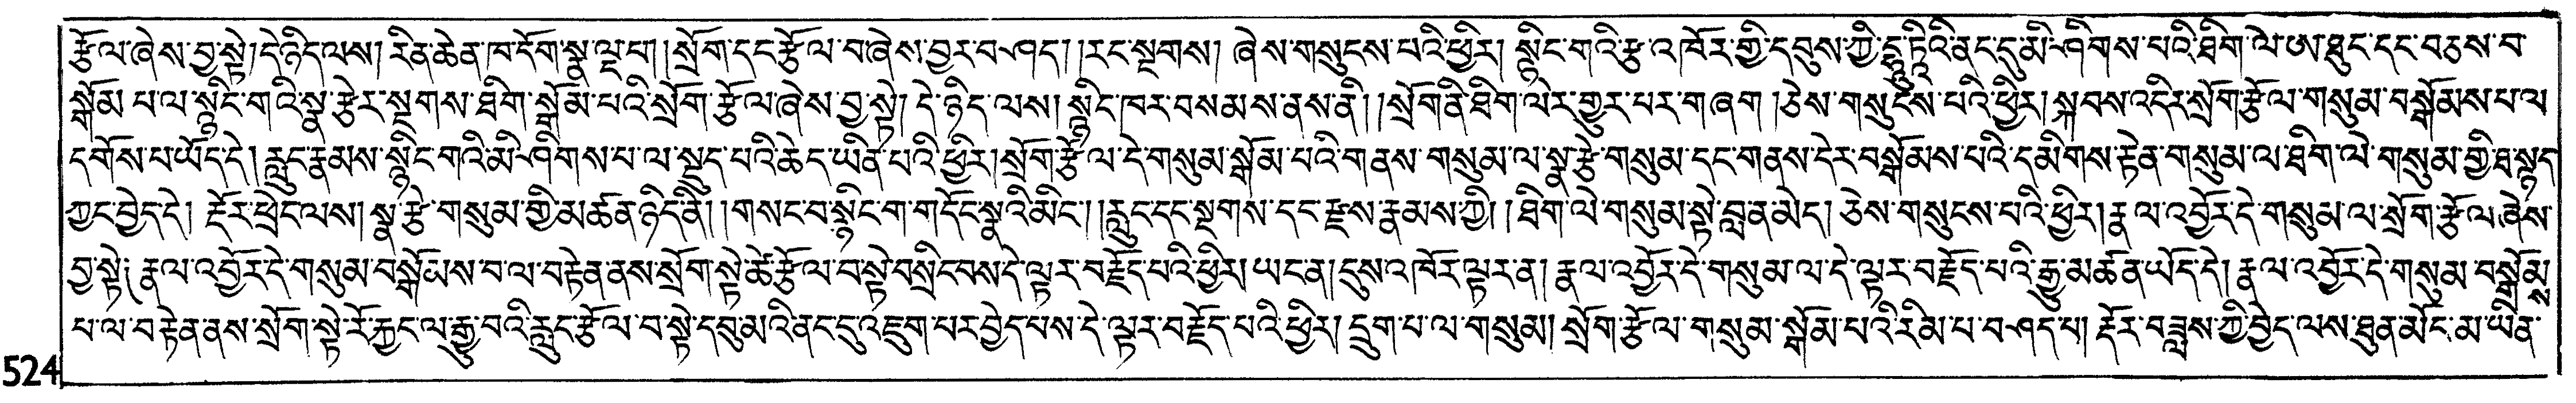རྩོལ་ཞེས་བྱ་སྟེ། དེ་ཉིད་ལས། རིན་ཆེན་ཁ་དོག་སྣ་ལྔ་པ། །སྲོག་དང་རྩོལ་བ་ཞེས་བྱར་བཤད། །རང་སྔགས། ཞེས་གསུངས་པའི་ཕྱིར། སྙིང་གའི་རྩ་འཁོར་གྱི་དབུས་ཀྱི་དྷཱུ་ཏཱིའི་ནང་དུ་མི་ཤིགས་པའི་ཐིག་ལེ་ཨ་ཐུང་དང་བཅས་པ་
སྒོམ་པ་ལ་སྙིང་གའི་སྣ་རྩེར་སྔགས་ཐིག་སྒོམ་པའི་སྲོག་རྩོལ་ཞེས་བྱ་སྟེ། དེ་ཉིད་ལས། སྙིང་ཁར་བསམས་ནས་ནི། །སྲོག་ནི་ཐིག་ལེར་གྱུར་པར་གཞག །ཅེས་གསུངས་པའི་ཕྱིར། སྐབས་འདིར་སྲོག་རྩོལ་གསུམ་བསྒོམས་པ་ལ་
དགོས་པ་ཡོད་དེ། རླུང་རྣམས་སྙིང་གའི་མི་ཤིགས་པ་ལ་སྡུད་པའི་ཆེད་ཡིན་པའི་ཕྱིར། སྲོག་རྩོལ་དེ་གསུམ་སྒོམ་པའི་གནས་གསུམ་ལ་སྣ་རྩེ་གསུམ་དང་གནས་དེར་བསྒོམས་པའི་དམིགས་རྟེན་གསུམ་ལ་ཐིག་ལེ་གསུམ་གྱི་ཐ་སྙད་
ཀྱང་བྱེད་དེ། རྡོར་ཕྲེང་ལས། སྣ་རྩེ་གསུམ་གྱི་མཚན་ཉིད་ནི། །གསང་བ་སྙིང་ག་གདོང་སྣའི་མིང་། །རླུང་དང་སྔགས་དང་རྫས་རྣམས་ཀྱི། །ཐིག་ལེ་གསུམ་སྟེ་བླ་ན་མེད། ཅེས་གསུངས་པའི་ཕྱིར། རྣལ་འབྱོར་དེ་གསུམ་ལ་སྲོག་རྩོལ་ཞེས་
བྱ་སྟེ༑ རྣལ་འབྱོར་དེ་གསུམ་བསྒོམས་པ་ལ་བརྟེན་ནས་སྲོག་སྟེ་ཚེ་རྩོལ་བ་སྟེ་བསྲིང་བས་དེ་ལྟར་བརྗོད་པའི་ཕྱིར། ཡང་ན། དུས་འཁོར་ལྟར་ན། རྣལ་འབྱོར་དེ་གསུམ་ལ་དེ་ལྟར་བརྗོད་པའི་རྒྱུ་མཚན་ཡོད་དེ། རྣལ་འབྱོར་དེ་གསུམ་བསྒོམས་
པ་ལ་བརྟེན་ནས་སྲོག་སྟེ་རོ་རྐྱང་ལ་རྒྱུ་བའི་རླུང་རྩོལ་བ་སྟེ་དབུ་མའི་ནང་དུ་འཇུག་པར་བྱེད་པས་དེ་ལྟར་བརྗོད་པའི་ཕྱིར། དྲུག་པ་ལ་གསུམ། སྲོག་རྩོལ་གསུམ་སྒོམ་པའི་རིམ་པ་བཤད་པ། རྡོར་བཟླས་ཀྱི་བྱེད་ལས་ཐུན་མོང་མ་ཡིན་